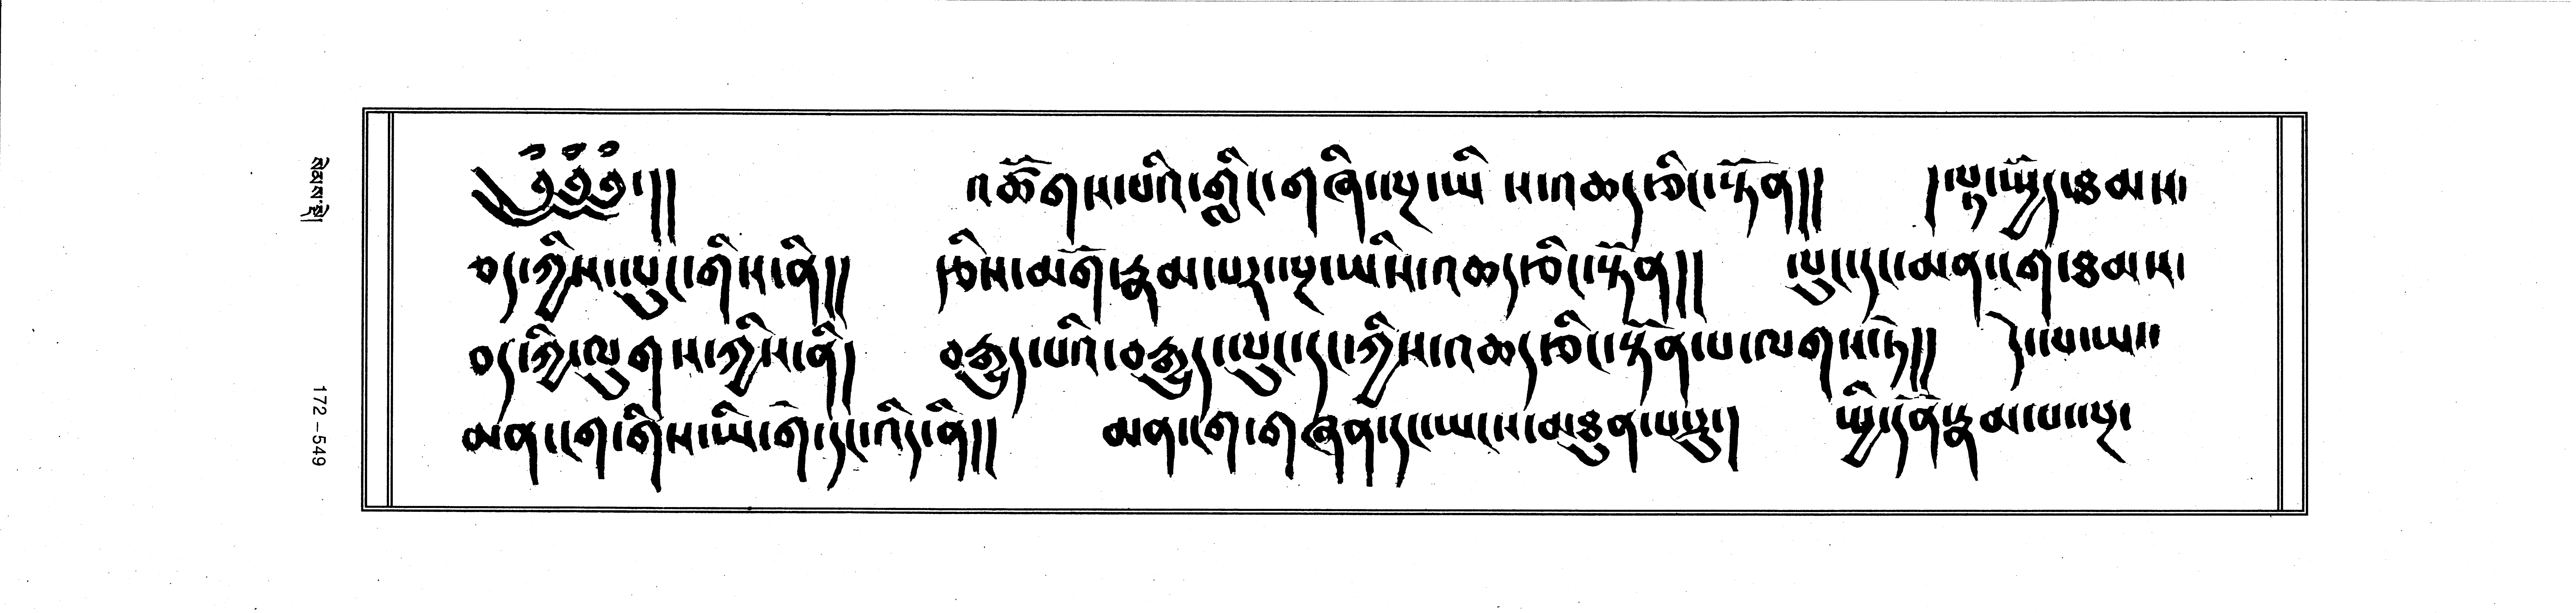འཚོགས་པའི་གླིང་གཞི་ལྔ་ཡིས་འཆད་ཅིང་སྟོན། ལྟ་སྤྱོད་ཐམས་
ཅད་ཀྱིས་ལུང་གིས་ནི། རྩིས་མགོ་རྣམ་པར་ལྔ་ཡིས་འཆད་ཅིང་སྟོན། ལུང་དང་མན་ངག་ཐམས་
ཅད་ཀྱི་ལུགས་ཀྱིས་ནི། བརྒྱུད་པའི་བརྒྱུད་ལུང་དང་ཀྱིས་འཆད་ཅིང་སྟོན་པ་ལགས་ཏེ། དེ་ལ་ཡང་
མན་ངག་གིས་ཡི་གེ་དང་འདི་ནི། མན་ངག་གཞན་དང་ཡོངས་མཐུན་པ་རུ། སྤྱི་དོན་རྣམ་པ་ལྔ་